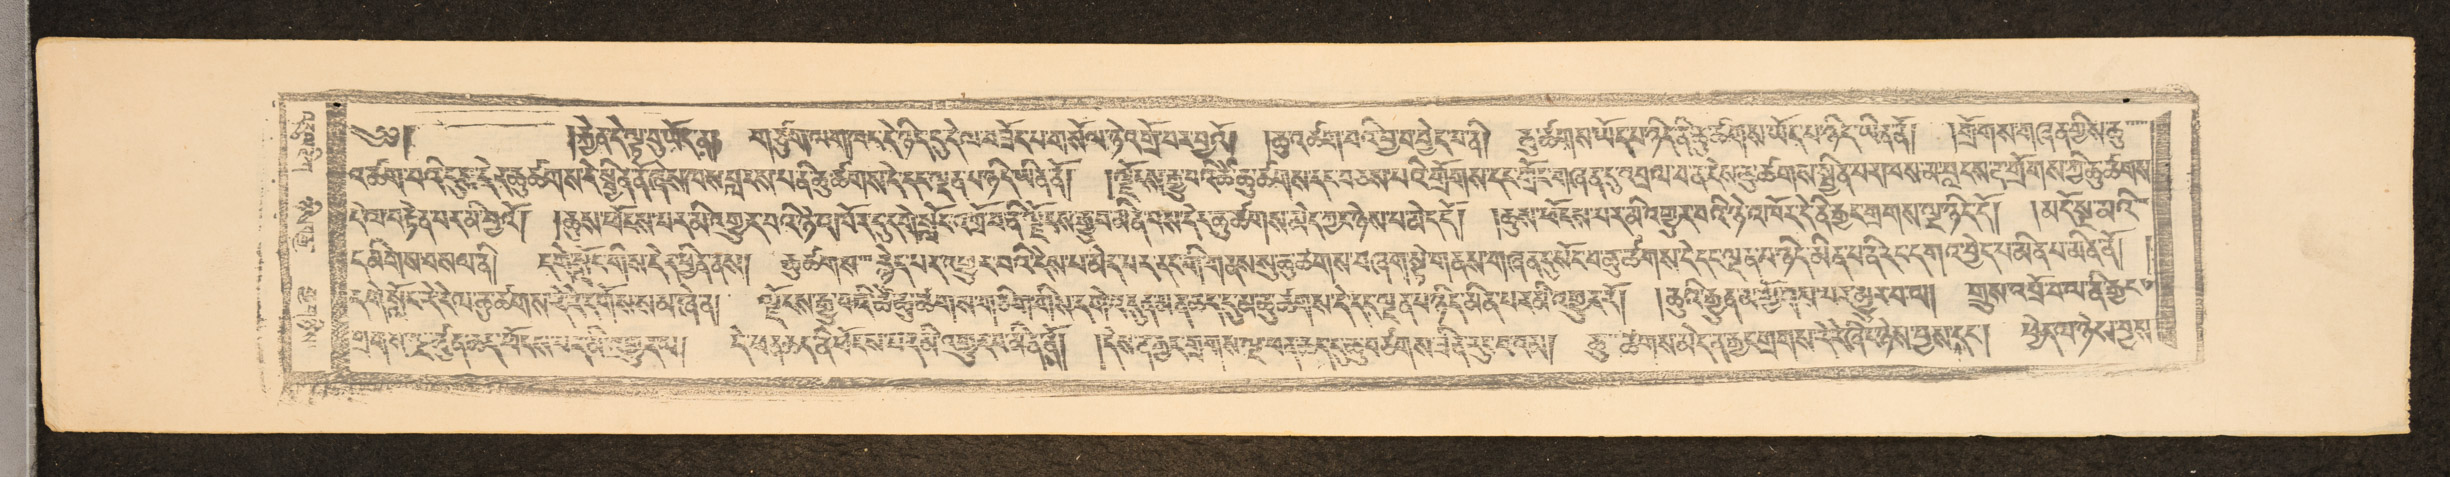༄༅། །རྐྱེན་དེ་ལྟ་བུ་ཡོད་ན། གཙུག་ལག་ཁང་དེ་ཉིད་དུ་དེ་ལ་བཟོད་པ་གསོལ་ཏེ་འགྲོ་བར་བྱའོ། །ཆུ་འཚག་བའི་བྱ་བ་བྱེད་པ་ནི། ཆུ་ཚགས་ཡོད་པ་ཉིད་ནི་ཆུ་ཚུགས་ཡོད་པ་ཉིད་ཡིན་ནོ། །གྲོགས་གཞན་གྱིས་ཆུ་
འཚག་པའི་དུས་དེར་ཆུ་ཚགས་དེ་སྦྱིན་ནོ་ཞེས་ཁས་བླངས་པ་ནི་ཆུ་ཚགས་དང་ལྡན་པ་ཉིད་ཡིན་ནོ། །ལྗོངས་རྒྱུ་བའི་ཚེ་ཆུ་ཚགས་དང་བཅས་པའི་གྲོགས་དང་གྲོང་གཞན་དུ་འབྲལ་བ་ན་དེས་ཆུ་ཚགས་སྦྱིན་བར། བསམ་བླངས་ན་གྲོགས་ཀྱི་ཆུ་ཚགས་
དེ་ལ་བརྟེན་པར་མི་བྱའོ། །ཆུས་ཕོངས་པར་མི་འགྱུར་བའི་ཉེ་འཁོར་དུ་དགེ་སློང་འགྲོ་བ་ནི་ལྗོངས་རྒྱུ་བ་མིན་པས་དེར་ཆུ་ཚགས་མེད་ཀྱང་ཉེས་པ་མེད་དོ། །ཆུས་ཕོངས་པར་མི་འགྱུར་བའི་ཉེ་འཁོར་དེ་ནི་རྒྱང་གྲགས་ལྔ་ཉིད་དོ། །མདོ་སྔ་མའི་
དམིགས་བསལ་ནི། དགེ་སློང་གིས་དེར་ཕྱིན་ནས། ཆུ་ཚགས་རྙེད་པར་འགྱུར་བའི་དེས་པ་མེད་པར་རང་གི་གནས་སུ་ཆུ་ཚགས་བཞག་སྟེ་གནས་གཞན་དུ་སོང་བ་ཆུ་ཚགས་དེ་དང་ལྡན་པ་ཉིད་མིན་པ་ནི་རང་དགའ་བྱེད་པ་མིན་པ་མིན་ནོ། །
དགེ་སློང་རེ་རེ་ལ་ཆུ་ཚགས་རེ་རེ་དགོས་སམ་ཞེ་ན། ལྗོངས་རྒྱུ་བའི་ཆོ་ཆུ་ཚགས་གཅིག་གིས་དགེ་འདུན་མན་ཆད་དུ་མཆུ་ཚགས་རེ་དང་ལྡན་པ་ཉིད་མིན་པར་མི་འགྱུར་རོ། །ཆུའི་རྒྱུན་མགྱོགས་པར་མྱུར་བ་ལ། གྲུས་འགྲོ་བ་ལ་ནི་རྒྱང་
གྲགས་ལྔ་ཚུན་ཆད་ཕོངས་པར་མི་འགྱུར་ལ། དེ་ཕན་ཆད་ནི་ཕོངས་པར་མི་འགྱུར་བ་མིན་ནོ། །དེས་ན་རྒྱང་གྲགས་ལྔ་ཕན་ཆད་དུ་ཆུ་བཙགས་ཟིན་རུང་བའམ། ཆུ་ཚགས་མེད་ན་རྒྱང་གྲགས་རེ་རེ་ཞིང་ཉེས་བྱས་དང་། ཕྱེད་ལ་ཉེས་བྱས་